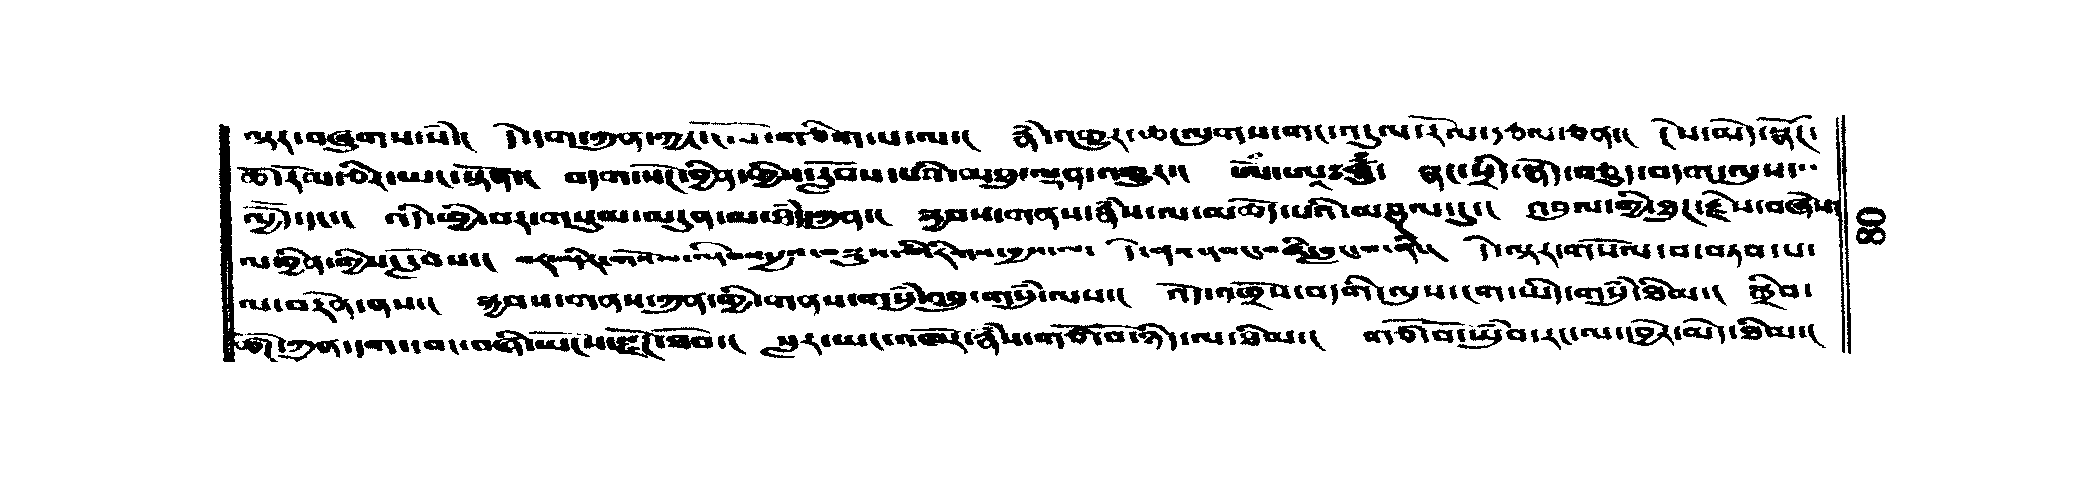ལྟར་བཞུགས་སྙམ། །དེ་དག་ཀུན་ཀྱང་ངོ་བོ་གཅིག་པ་ལ། །རྣམ་འགྱུར་ཆ་ལུགས་གང་འདུལ་རོལ་རྩལ་ཅན། །ངེས་མེད་སྣ་ཚོགས་
ཆོ་རོལ་ཅིར་ཡང་སྟོན། །བདག་སོགས་བྱིན་གྱིས་རློབ་པའི་མཐུ་ལྡན་འགྱུར། ཨོཾ་ཨཱཿཧཱུྃ། སྣང་སྲིད་སྣོད་བཅུད་བདག་ལུས་
ལོངས་སྤྱོད་དང་། །འདི་ཕྱི་བར་གསུམ་མདུན་མ་ཐམས་ཅད་ཀུན། །སྐྱབས་གནས་རྣམས་ལ་མཆོད་པའི་མཎྜལ་དུ། །འབུལ་གྱི་ཐུགས་རྗེས་བཞེས་
ལ་བྱིན་གྱིས་རློབས། བར་འདིར་གསོལ་འདེབས་རྒྱས་བསྡུས་ཅི་རིགས་བྱས་ལ། དེ་ནས་དབང་བཞི་བླང་པ་ནི། དེ་ལྟར་གསོལ་བ་བཏབ་པ་
ལ་བརྟེན་ནས། སྐྱབས་གནས་ཀུན་གྱི་གནས་གསུམ་འབྲུ་གསུམ་ལས། །འོད་འཕྲོས་བདག་གི་ལུས་ངག་ཡིད་གསུམ་ཐིམ། །སྒྲིབ་
ཚོགས་ཀུན་དག་དབང་བཞི་ཡོངས་རྫོགས་ཐོབ། །སླར་ཡང་འཁོར་རྣམས་གཙོ་བོ་ཉིད་ལ་ཐིམ། །གཙོ་བོ་ཡབ་ཡུམ་རང་ལ་དབྱེར་མེད་ཐིམ།